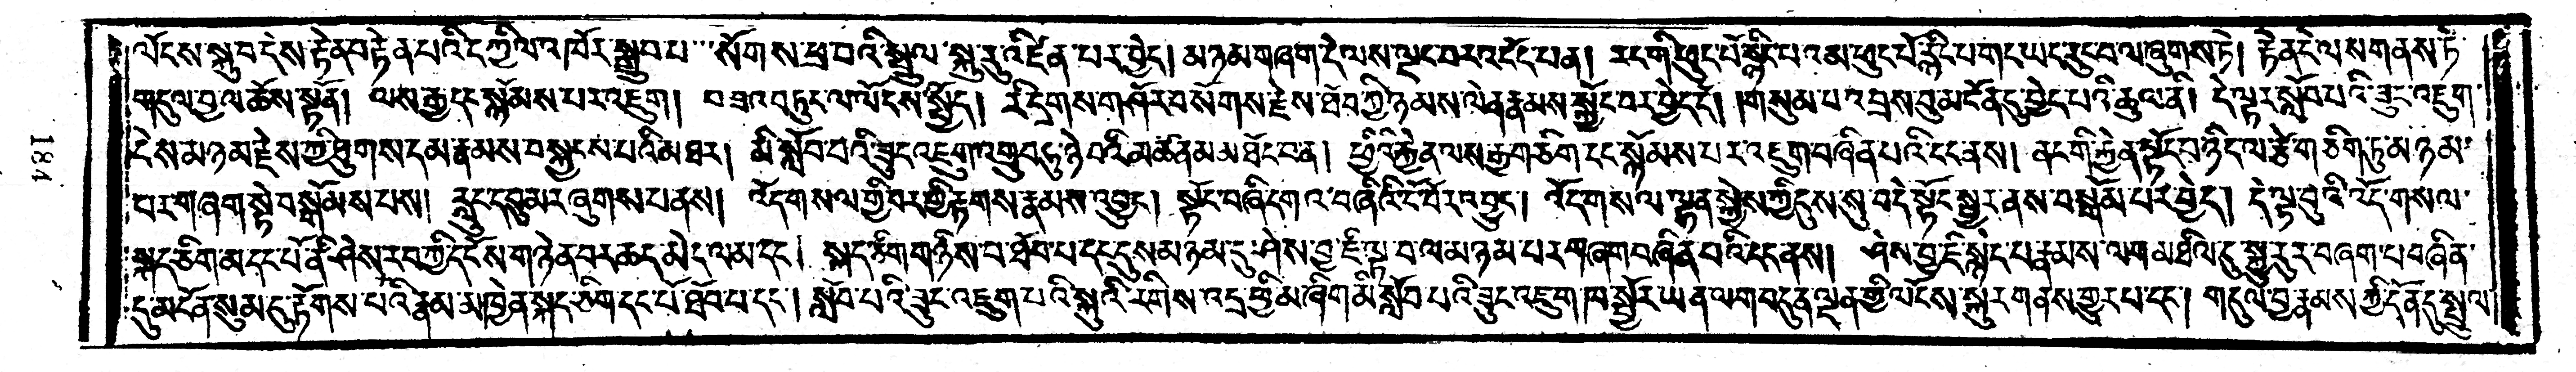ལོངས་སྐུ་བ་དེས་རྟེན་བརྟེན་པའི་དཀྱིལ་འཁོར་སྒྲུབ་པ་སོགས་ཕྲ་བའི་སྤྲུལ་སྐུ་རུ་འཛིན་པར་བྱེད། མཉམ་གཞག་དེ་ལས་ལྡང་བར་འདོད་པ་ན། རང་གི་ཕུང་པོ་སྙིང་པའམ་ཕུང་པོ་རྙིང་པ་གང་ཡང་རུང་བ་ལ་ཞུགས་ཏེ། རྟེན་དེ་ལས་གནས་ཏེ་
གདུལ་བྱ་ལ་ཆོས་སྟོན། ལས་རྒྱ་དང་སྙོམས་པར་འཇུག། བཟའ་བཏུང་ལ་ལོངས་སྤྱོད། རི་དྲགས་གཤོར་བ་སོགས་རྗེས་ཐོབ་ཀྱི་ཉམས་ལེན་རྣམས་སྐྱོང་བར་བྱེད་དོ། །གསུམ་པ་འབྲས་བུ་མངོན་དུ་བྱེད་པའི་ཚུལ་ནི། དེ་ལྟར་སློབ་པའི་ཟུང་འཇུག་
ངེས་མཉམ་རྗེས་ཀྱི་ཐུགས་དམ་རྣམས་བསྐྱངས་པའི་མཐར། མི་སློབ་བའི་ཟུང་འཇུག་འགྲུབ་ཏུ་ཉེ་བའི་མཚན་མ་མཐོང་བ་ན། ཕྱིའི་རྐྱེན་ལས་རྒྱ་གཅིག་དང་སྙོམས་པར་འཇུག་བཞིན་པའི་ངང་ནས། ནང་གི་རྐྱེན་སྟོང་བ་ཉིད་ལ་རྩེ་གཅིག་ཏུ་མཉམ་
པར་གཞག་སྟེ་བསྒོམས་པས། རླུང་དབུ་མར་ཞུགས་པ་ནས། འོད་གསལ་གྱི་བར་གྱི་རྟགས་རྣམས་འབྱུང་། སྟོང་བཞི་དགའ་བཞིའི་ངོ་བོར་འབྱུང་། འོད་གསལ་ལྷན་སྐྱེས་ཀྱི་དུས་སུ་བདེ་སྟོང་སྦྱར་ནས་བསྒོམ་པར་བྱེད། དེ་ལྟ་བུའི་འོད་གསལ་
སྐད་ཅིག་མ་དང་པོ་ནི་ཤེས་རབ་ཀྱི་དངོས་གཉེན་བར་ཆད་མེད་ལམ་དང་། སྐད་ཅིག་གཉིས་པ་ཐོབ་པ་དང་དུས་མཉམ་དུ་ཤེས་བྱ་ཇི་ལྟ་བ་ལ་མཉམ་པར་གཞག་བཞིན་བའི་ངང་ནས། ཤེས་བྱ་ཇི་སྙེད་པ་རྣམས་ལག་མཐིལ་དུ་སྐྱུ་རུར་བཞག་པ་བཞིན་
དུ་མངོན་སུམ་དུ་རྟོགས་པའི་རྣམ་མཁྱེན་སྐད་ཅིག་དང་པོ་ཐོབ་པ་དང་། སློབ་པའི་ཟུང་འཇུག་པའི་སྐུའི་རིགས་འདྲ་ཕྱི་མ་ཞིག་མི་སློབ་པའི་ཟུང་འཇུག་ཁ་སྦྱོར་ཡན་ལག་བདུན་ལྡན་གྱི་ལོངས་སྐུར་གནས་གྱུར་པ་དང་། གདུལ་བྱ་རྣམས་ཀྱི་དོན་དུ་སྤྲུལ་